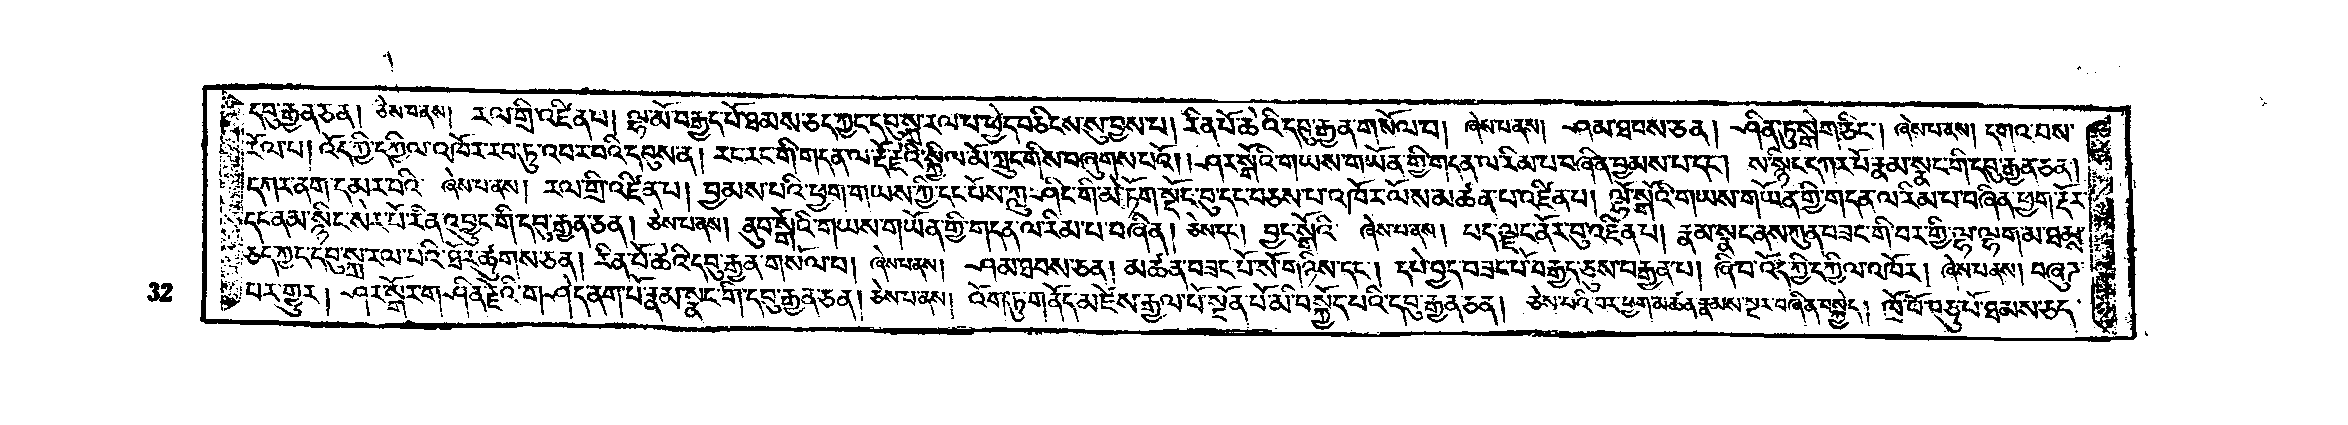དབུ་རྒྱན་ཅན། ཅེས་པ་ནས།  རལ་གྲི་འཛིན་པ། ལྷ་མོ་བརྒྱད་པོ་ཐམས་ཅད་ཀྱང་དབུ་སྐྲ་རལ་པ་ཕྱེད་བཅིངས་སུ་བྱས་པ། རིན་པོ་ཆེའི་དབུ་རྒྱན་གསོལ་བ། ཞེས་པ་ནས།  ཤམ་ཐབས་ཅན། ཤིན་ཏུ་སྒེག་ཅིང་། ཞེས་པ་ནས།  དགའ་བས་
རོལ་པ། འོད་ཀྱི་དཀྱིལ་འཁོར་རབ་ཏུ་འབར་བའི་དབུས་ན། རང་རང་གི་གདན་ལ་རྡོ་རྗེའི་སྐྱིལ་མོ་ཀྲུང་གིས་བཞུགས་པའོ། །ཤར་སྒོའི་གཡས་གཡོན་གྱི་གདན་ལ་རིམ་པ་བཞིན་བྱམས་པ་དང་། ས་སྙིང་དཀར་པོ་རྣམ་སྣང་གི་དབུ་རྒྱན་ཅན།
དཀར་ནག་དམར་བའི་ཞེས་པ་ནས།  རལ་གྲི་འཛིན་པ། བྱམས་པའི་ཕྱག་གཡས་ཀྱི་དང་པོས་ཀླུ་ཤིང་གི་མེ་ཏོག་སྡོང་བུ་དང་བཅས་པ་འཁོར་ལོས་མཚན་པ་འཛིན་པ། ལྷོ་སྒོའི་གཡས་གཡོན་གྱི་གདན་ལ་རིམ་པ་བཞིན་ཕྱག་རྡོར་
དང་ནམ་སྙིང་སེར་པོ་རིན་འབྱུང་གི་དབུ་རྒྱན་ཅན། ཅེས་པ་ནས།  ནུབ་སྒོའི་གཡས་གཡོན་གྱི་གདན་ལ་རིམ་པ་བཞིན། ཅེས་དང་།  བྱང་སྒོའི་ཞེས་པ་ནས།  པད་ལྗང་ནོར་བུ་འཛིན་པ། རྣམ་སྣང་ནས་ཀུན་བཟང་གི་བར་གྱི་ལྷ་ལྷག་མ་ཐམས་
ཅད་ཀྱང་དབུ་སྐྲ་རལ་པའི་ཐོར་ཚུགས་ཅན། རིན་པོ་ཆེའི་དབུ་རྒྱན་གསོལ་བ། ཞེས་པ་ནས།  ཤམ་ཐབས་ཅན། མཚན་བཟང་པོ་སོ་གཉིས་དང་། དཔེ་བྱད་བཟང་པོ་བརྒྱད་ཅུས་བརྒྱན་པ། ཞི་བ་འོད་ཀྱི་དཀྱིལ་འཁོར། ཞེས་པ་ནས།  བཞུགས་
པར་གྱུར། ཤར་སྒོར་གཤིན་རྗེའི་གཤེད་ནག་པོ་རྣམ་སྣང་གི་དབུ་རྒྱན་ཅན། ཅེས་པ་ནས།  འོག་ཏུ་གནོད་མཛེས་རྒྱལ་པོ་སྔོན་པོ་མི་བསྐྱོད་པའི་དབུ་རྒྱན་ཅན། ཅེས་པའི་བར་ཕྱག་མཚན་རྣམས་སྔར་བཞིན་བསྐྱེད།  ཁྲོ་བོ་བཅུ་པོ་ཐམས་ཅད་